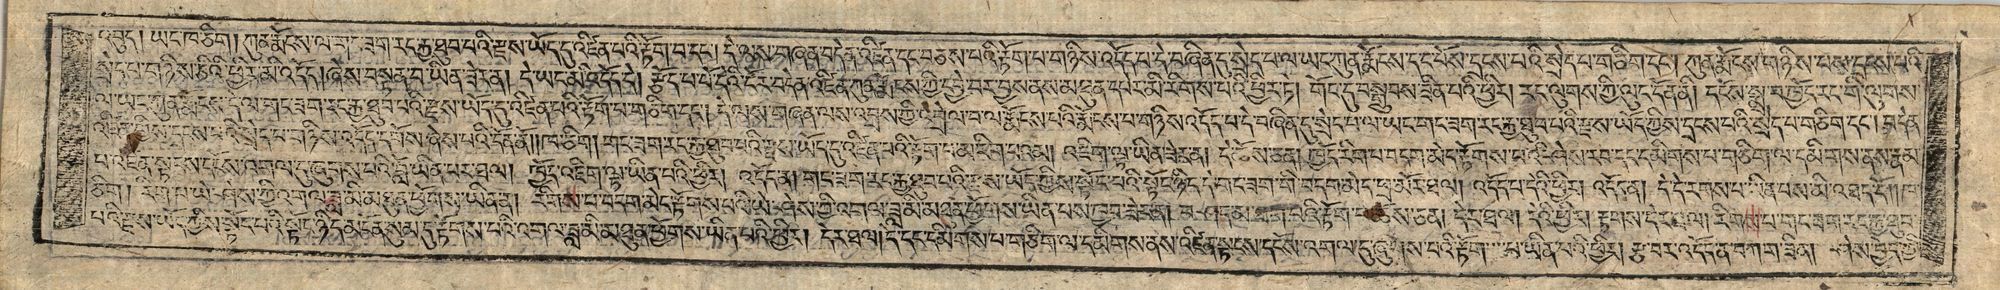འབུད། ཡང་ཁ་ཅིག །ཀུན་རྨོངས་ལ་གང་ཟག་རང་རྐྱ་ཐུབ་པའི་རྫས་ཡོད་དུ་འཛིན་པའི་རྟོག་པ་དང་། དེ་ལས་གཞན་བདེན་འཛིན་དང་བཅས་པའི་རྟོག་པ་གཉིས་འདོད་པ་དེ་བཞིན་དུ་སྲེད་པ་ལ་ཡང་ཀུན་རྨོངས་དང་པོས་དྲངས་པའི་སྲེད་པ་གཅིག་དང་། ཀུན་རྨོངས་གཉིས་པས་དྲངས་པའི་
སྲེད་པ་གཉིས་ཅིའི་ཕྱིར་མི་འདོད། ཞེས་བསྟན་པ་ཡིན་ཟེར་ན། དེ་ཡང་མི་འདོད་དེ། རྩོད་པ་པོ་དེའི་ངོར་བདེན་འཛིན་ཀུན་རྨོངས་ཀྱི་དབྱེ་བར་བྱས་ནས་མཐུན་དཔེར་མི་རིགས་པའི་ཕྱིར་ཏེ། གོང་དུ་བསྒྲུབས་ཟིན་པའི་ཕྱིར། རང་ལུགས་ཀྱི་ལུང་དོན་ནི། དངོས་སྨྲ་བ་ཁྱོད་རང་གི་ལུགས་
ལ་ཡང་ཀུན་རྨོངས་དེ་ལ་གང་ཟག་རང་རྐྱ་ཐུབ་པའི་རྫས་ཡོད་དུ་འཛིན་པའི་རྟོག་པ་གཅིག་དང་། དེ་ལས་གཞན་ལས་འབྲས་ཀྱི་འབྲེལ་བ་ལ་རྨོངས་པའི་རྨོངས་པ་གཉིས་འདོད་པ་དེ་བཞིན་དུ་སྲེད་པ་ལ་ཡང་གང་ཟག་རང་རྐྱ་ཐུབ་པའི་རྫས་ཡོད་ཀྱིས་དྲངས་པའི་སྲེད་པ་གཅིག་དང་། བདེན་
འཛིན་གྱིས་དྲངས་པའི་སྲེད་པ་གཉིས་འདོད་དགོས་ཞེས་པའི་དོན་ནོ། །ཁ་ཅིག །གང་ཟག་རང་རྐྱ་ཐུབ་པའི་རྫས་ཡོད་དུ་འཛིན་པའི་རྟོག་པ་མ་རིག་པའམ། འཇིག་ལྟ་ཡིན་ཟེར་ན། དེ་ཆོས་ཅན། ཁྱོད་རིག་པ་བདག་མེད་རྟོགས་པའི་ཤེས་རབ་དང་དམིགས་པ་གཅིག་ལ་དམིགས་ནས་རྣམ་
པ་འཛིན་སྟངས་དངོས་འགལ་དུ་ཞུགས་པའི་བློ་ཡིན་པར་ཐལ། ཁྱོད་འཇིག་ལྟ་ཡིན་པའི་ཕྱིར། འདོད་ན། གང་ཟག་རང་རྐྱ་ཐུབ་པའི་རྫས་ཡོད་ཀྱིས་སྟོང་པའི་སྟོང་ཉིད་དེ་གང་ཟག་གི་བདག་མེད་ཕྲ་མོར་ཐལ། འདོད་པ་དེའི་ཕྱིར། འདོད་ན། དེ་དེ་རགས་པ་ཡིན་པས་མི་འཐད་དོ། །ཁ་
ཅིག །རིག་པ་ཡེ་ཤེས་ཀྱི་འགལ་ཟླ་མི་མཐུན་ཕྱོགས་ཡིན་ན། རིག་པ་བདག་མེད་རྟོགས་པའི་ཡེ་ཤེས་ཀྱི་འགལ་ཟླ་མི་མཐུན་ཕྱོགས་ཡིན་པས་ཁྱབ་ཟེར་ན། བཤད་མ་ཐག་པའི་རྟོག་པ་ཆོས་ཅན། དེར་ཐལ། དེའི་ཕྱིར། རྟགས་དེར་ཐལ། རིག་པ་གང་ཟག་རང་རྐྱ་ཐུབ་
པའི་རྫས་ཡོད་ཀྱིས་སྟོང་པའི་སྟོང་ཉིད་མངོན་སུམ་དུ་རྟོགས་པའི་འགལ་ཟླ་མི་མཐུན་ཕྱོགས་ཡིན་པའི་ཕྱིར། དེར་ཐལ། དེ་དང་དམིགས་པ་གཅིག་ལ་དམིགས་ནས་འཛིན་སྟངས་དངོས་འགལ་དུ་ཞུགས་པའི་རྟོག་པ་ཡིན་པའི་ཕྱིར། རྩ་བར་འདོད་ན་བཀག་ཟིན། ཤེས་བྱེད་ཀྱི་